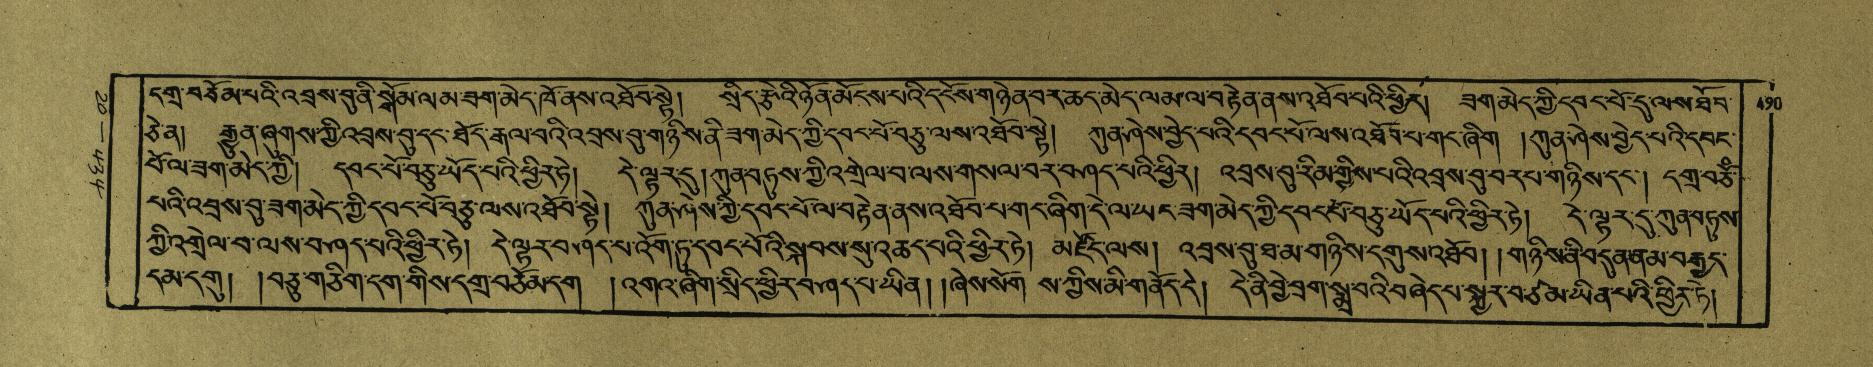དགྲ་བཅོམ་པའི་འབྲས་བུ་ནི་སྒོམ་ལམ་ཟག་མེད་ཁོ་ནས་འཐོབ་སྟེ། སྲིད་རྩེའི་ཉོན་མོངས་པའི་དངོས་གཉེན་བར་ཆད་མེད་ལམ་ལ་བརྟེན་ནས་འཐོབ་པའི་ཕྱིར། ཟག་མེད་ཀྱི་དབང་པོ་དུ་ལས་ཐོབ་
ཅེ་ན། རྒྱུན་ཞུགས་ཀྱི་འབྲས་བུ་དང་ཐོད་རྒལ་བའི་འབྲས་བུ་གཉིས་ནི་ཟག་མེད་ཀྱི་དབང་པོ་བཅུ་ལས་འཐོབ་སྟེ། ཀུན་ཤེས་བྱེད་པའི་དབང་པོ་ལས་འཐོབ་པ་གང་ཞིག །ཀུན་ཤེས་བྱེད་པའི་དབང་
པོ་ལ་ཟག་མེད་ཀྱི། དབང་པོ་བཅུ་ཡོད་པའི་ཕྱིར་ཏེ། དེ་ལྟར་དུ། ཀུན་བཏུས་ཀྱི་འགྲེལ་བ་ལས་གསལ་བར་བཤད་པའི་ཕྱིར། འབྲས་བུ་རིམ་གྱིས་པའི་འབྲས་བུ་བར་པ་གཉིས་དང་། དགྲ་བཅོཾ་
པའི་འབྲས་བུ་ཟག་མེད་ཀྱི་དབང་པོ་བཅུ་ལས་འཐོབ་སྟེ། ཀུན་ཤེས་ཀྱི་དབང་པོ་ལ་བརྟེན་ནས་འཐོབ་པ་གང་ཞིག་དེ་ལ་ཡང་ཟག་མེད་ཀྱི་དབང་པོ་བཅུ་ཡོད་པའི་ཕྱིར་ཏེ། དེ་ལྟར་དུ་ཀུན་བཏུས་
ཀྱི་འགྲེལ་བ་ལས་བཤད་པའི་ཕྱིར་ཏེ། དེ་ལྟར་བཤད་པ་འོག་ཏུ་དབང་པོའི་སྐབས་སུ་འཆད་པའི་ཕྱིར་ཏེ། མཛོད་ལས། འབྲས་བུ་ཐ་མ་གཉིས་དགུས་འཐོབ། །གཉིས་ནི་བདུན་ནམ་བརྒྱད་
དམ་དགུ། །བཅུ་གཅིག་དག་གིས་དགྲ་བཅོམ་དག །འགའ་ཞིག་སྲིད་ཕྱིར་བཤད་པ་ཡིན། །ཞེས་སོགས་ཀྱིས་མི་གནོད་དེ། དེ་ནི་བྱེ་བྲག་སྨྲ་བའི་བཞེད་པ་སྐྱར་བ་ཙམ་ཡིན་པའི་ཕྱིར་ཏེ།